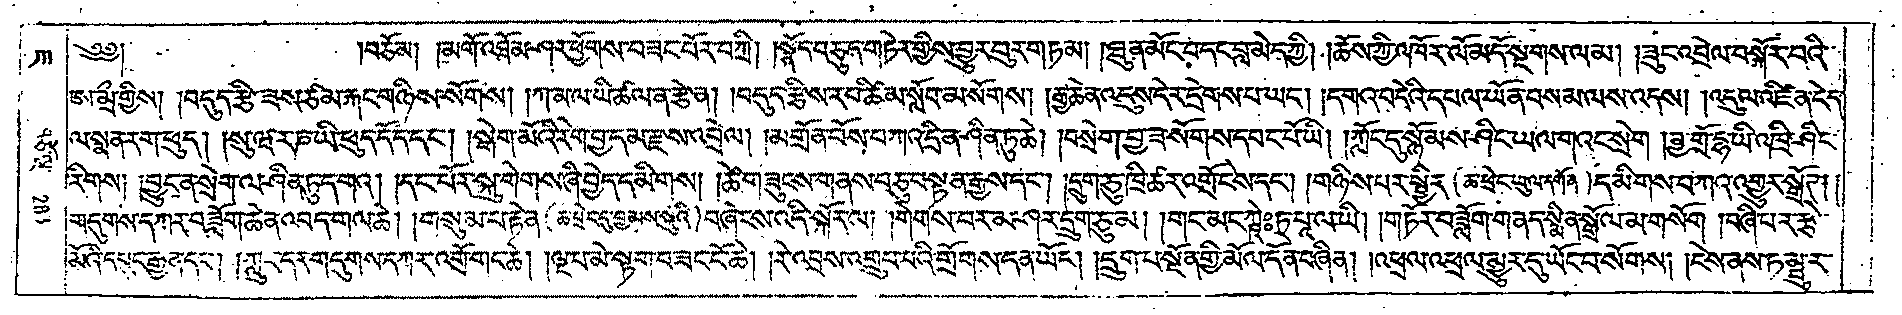༄༅། །བཅོམ། །མགོ་འཐོམ་ཤར་ཕྱོགས་བཟང་པོར་བཀྲི། །སྣོད་བཅུད་གཏེར་གྱིས་བྱུར་བུར་གཏམ། །ཐུན་མོང་བ་དང་བླ་མེད་ཀྱི། །ཆོས་ཀྱི་འཁོར་ལོ་མདོ་སྔགས་ལམ། །ཟུང་འབྲེལ་བསྐོར་བའི་
ཨ་མྲྀ་གྱིས། །བདུད་རྩི་ཟས་ཙམ་རྐང་གཉིས་སོགས། །ཀ་མ་ལ་ཡི་ཚལ་ན་རྩེན། །བདུད་རྩིས་རབ་ཚིམ་སློབ་མ་སོགས། །རྒྱ་ཆེན་འདུས་དེར་དྲེགས་པ་ཡང་། །དགའ་བདེའི་དཔལ་ཡོན་བསམ་ལས་འདས། །འདུལ་འཛིན་ངེད་
ལ་སྨན་རག་ཕུད། །སུ་ཝ་ར་ཎ་ཡི་ཕུད་དོད་དང་། །སྒེག་མོའི་རེག་བྱ་དམ་རྫས་འབྲེལ། །མགྲོན་པོས་བཀའ་དྲིན་ཤིན་ཏུ་ཆེ། །བསྲེག་བྱ་ཟ་སོགས་དབང་པོ་ཡི། །ཀློང་དུ་སྙོམས་ཤིང་ཡལ་གའང་སྲེག །ནྱ་གྲོ་དྷ་ཡི་འཁྲི་ཤིང་
རིགས། །བྱུང་ན་སྲེག་ལ་ཤིན་ཏུ་དགའ། །དང་པོར་སྐུ་གེགས་ཞི་བྱེད་དམིགས། །ཚེ་གཟུངས་གནས་བཅུ་བསྟན་རྒྱས་དང་། །དྲུག་ཅུ་ཁྲི་ཚར་འགྲོ་ངེས་དང་། །གཉིས་པར་སྤྱིར་ཆ་ཕྲེང་ཡུལ་དགོན་དམིགས་བཀའ་འགྱུར་སྒྲོགས། །
གདུགས་དཀར་བཟློག་ཆེན་འབད་གལ་ཆེ། །གསུམ་པ་རྟེན་ཆ་ཕྲེང་དུ་བྱམས་སྐུའི་བཞེངས་འདི་སྐོར་ལ། །གེགས་པར་མ་ཤར་དྲུག་ཅུ་མ། །གང་མང་ཀྵེཿ ཏྲ་པཱ་ལ་ཡི། །གཏོར་བཟློག་གནད་སྨིན་སྒྲོལ་མ་གསོག །བཞི་པར་རྩེ་
མོའི་དཔུང་རྒྱན་དང་། །ཀླུང་དར་གདུགས་དཀར་འགྲོ་གང་ཆེ། །ལྔ་པ་མེ་སྟག་བཟང་ངོ་ཆེ། །རེ་འབྲས་འགྲུབ་པའི་གྲོགས་དན་ཡོང་། །དྲུག་པ་སྔོན་གྱི་མོལ་དོན་བཞིན། །འཕྲལ་འཕྲལ་མྱུར་དུ་ཡོང་བ་སོགས། །ངེས་ནས་ཏམྦུ་ར་